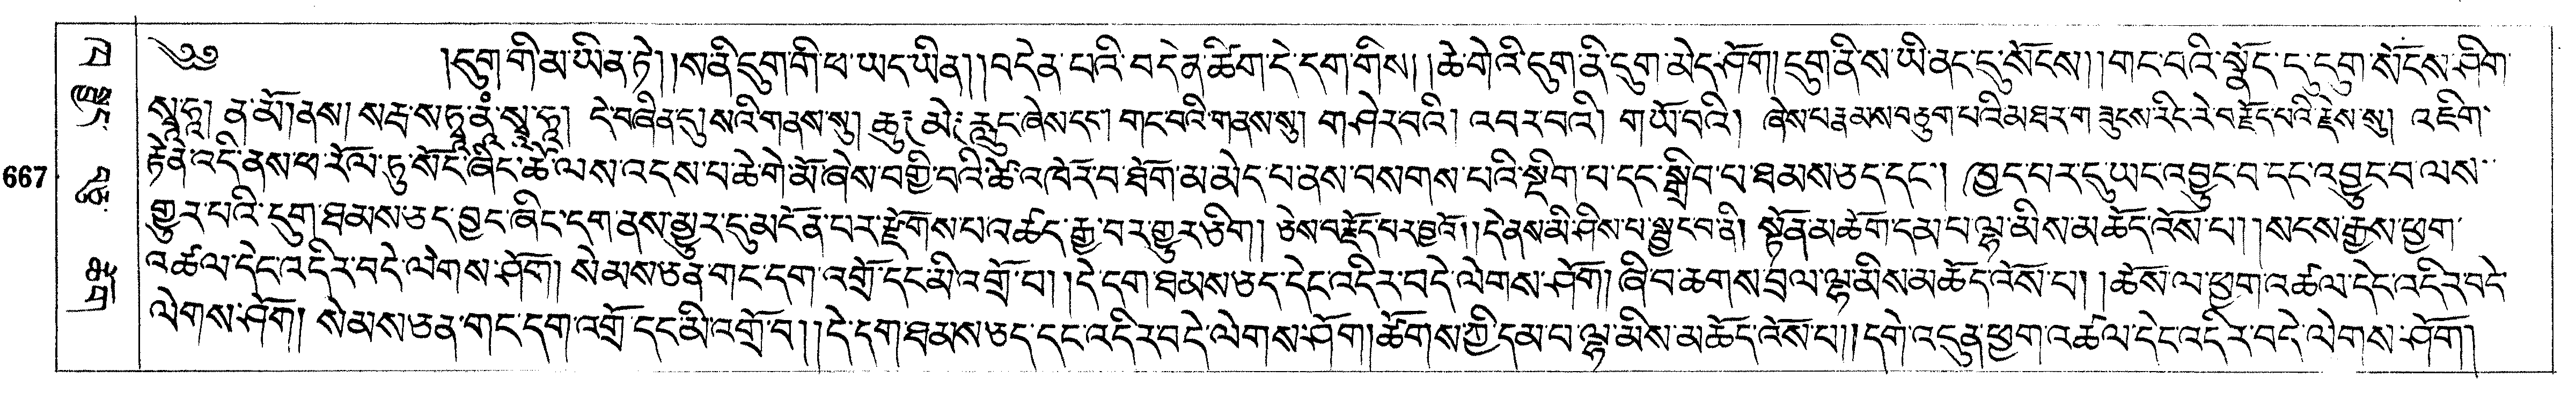༄༅། །དུག་གི་མ་ཡིན་ཏེ། །ས་ནི་དུག་གི་ཕ་ཡང་ཡིན། །བདེན་པའི་བདེན་ཚིག་དེ་དག་གིས། །ཆེ་གེའི་དུག་ནི་དུག་མེད་ཤོག །དུག་ནི་ས་ཡི་ནང་དུ་སོངས། །གང་བའི་སྣོད་དུ་དུག་སོངས་ཤིག་
སྭཱ་ཧཱ། ན་མོ། ནས་སརྦ་ས་ཏྭཱ་ནའཾ་སྭཱ་ཧཱ། དེ་བཞིན་དུ། སའི་གནས་སུ། ཆུ༑ མེ༑ རླུང་ཞེས་དང་། གང་བའི་གནས་སུ། གཤེར་བའི། འབར་བའི། གཡོ་བའི། ཞེས་པ་རྣམས་བཅུག་པའི་མཐར་གཟུངས་རིང་རེ་བརྗོད་པའི་རྗེས་སུ། འཇིག་
རྟེན་འདི་ནས་ཕ་རོལ་ཏུ་སོང་ཞིང་ཚེ་ལས་འདས་པ་ཆེ་གེ་མོ་ཞེས་བགྱི་བའི་ཚེ་འཁོར་བ་ཐོག་མ་མེད་པ་ནས་བསགས་པའི་སྡིག་པ་དང་སྒྲིབ་པ་ཐམས་ཅད་དང་། ཁྱད་པར་དུ་ཡང་འབྱུང་བ་དང་འབྱུང་བ་ལས་
གྱུར་པའི་དུག་ཐམས་ཅད་བྱང་ཞིང་དག་ནས་མྱུར་དུ་མངོན་པར་རྫོགས་པ་འཚད་རྒྱ་བར་གྱུར་ཅིག །ཅེས་བརྗོད་པར་བྱའོ། །དེ་ནས་མི་ཤིས་པ་སྦྱང་བ་ནི། སྟོན་མཆོག་དམ་པ་ལྷ་མིས་མཆོད་འོས་པ། །སངས་རྒྱས་ཕྱག་
འཚལ་དེང་འདིར་བདེ་ལེགས་ཤོག །སེམས་ཅན་གང་དག་འགྲོ་དང་མི་འགྲོ་བ། །དེ་དག་ཐམས་ཅད་དེང་འདིར་བདེ་ལེགས་ཤོག །ཞི་བ་ཆགས་བྲལ་ལྷ་མིས་མཆོད་འོས་པ། །ཆོས་ལ་ཕྱག་འཚལ་དེང་འདིར་བདེ་
ལེགས་ཤོག །སེམས་ཅན་གང་དག་འགྲོ་དང་མི་འགྲོ་བ། །དེ་དག་ཐམས་ཅད་དང་འདིར་བདེ་ལེགས་ཤོག །ཚོགས་ཀྱི་དམ་པ་ལྷ་མིས་མཆོད་འོས་པ། །དགེ་འདུན་ཕྱག་འཚལ་དེང་འདིར་བདེ་ལེགས་ཤོག །